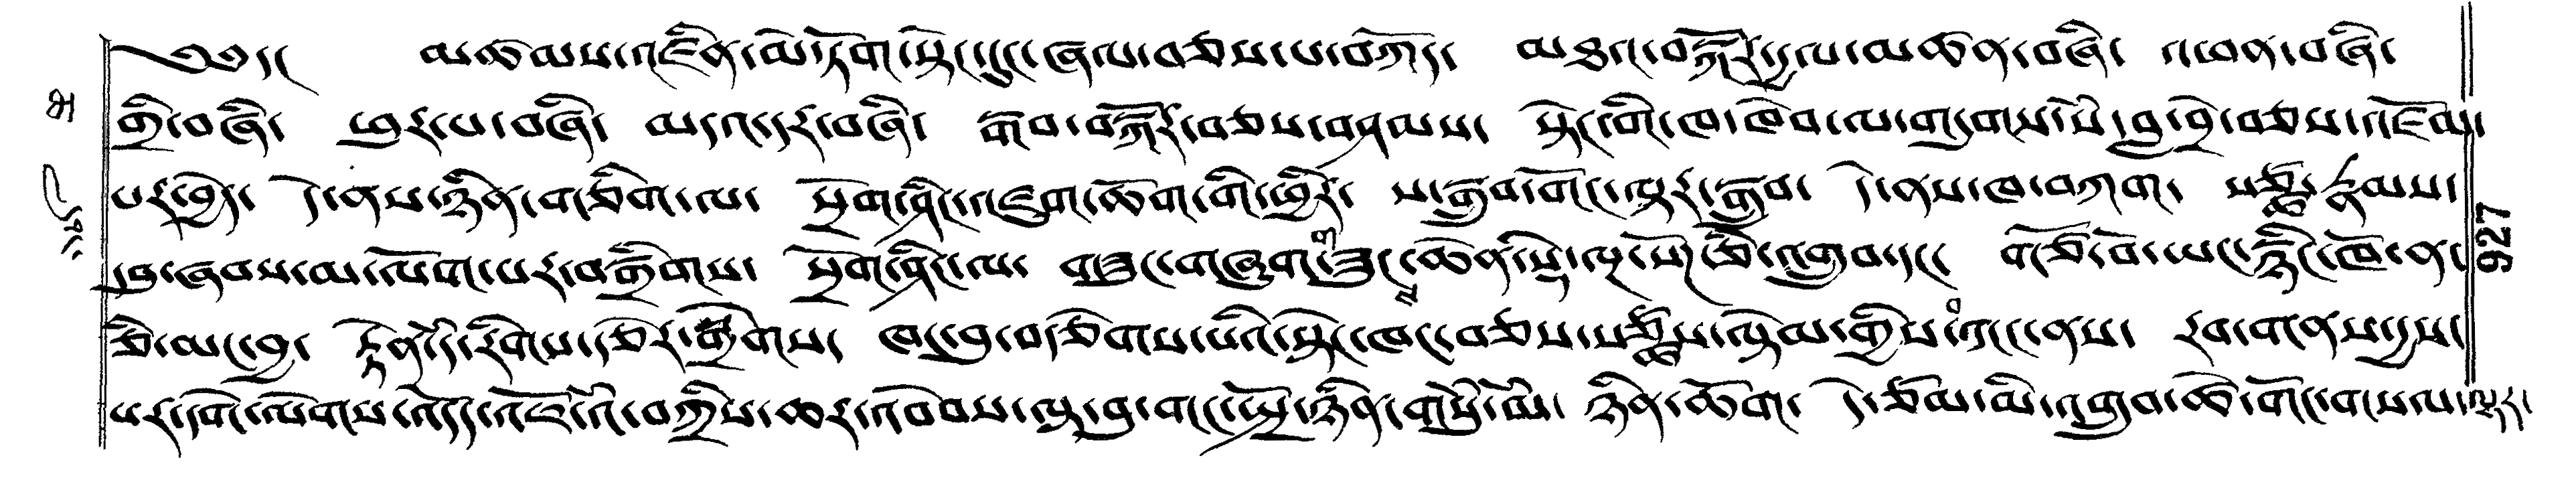མཚམས་འཛིན་མེ་ཏོག་སྟེང་དུང་ཞལ་བཅས་པ་བཀོད། མཐའ་བསྐོར་རྒྱལ་མཚན་བཞི། འཕན་བཞི། 
གྲི་བཞི། ཕུར་པ་བཞི། མདའ་དར་བཞི། སྒབ་བསྐོར་བཅས་བཤམས། སྟེང་གི་ཁ་ཁེབ་ལ་གདུགས་སམ་བླ་བྲེ་བཅས་འཛོམ་
པར་བྱེད། དེ་ནས་ཉིན་གཅིག་ལ། སྲོག་ཤིང་འཛུགས་ཆོག་གི་ཕྱིར། ས་སྒྲུབ་གོང་ལྟར་སྒྲུབ། དེ་ནས་ཁ་བཀག སཙྪ་རྣམས་
དབུ་ཞབས་མ་ལོག་པར་བསྒྲིགས། སྲོག་ཤིང་ལ། གཟུངས་གཞུག་གཟུངས་ཆེན་སྡེ་ལྔ་སོགས་ཅི་འགྲུབ་དང་། གཙོ་བོ་ཡང་སྙིང་ཁོ་ན་
ཅི་མང་བྱ། རྟེན་དམ་རིགས་རྩེར་སྒྲོག ཁང་བུ་བརྩེགས་པའི་སྟེང་ཁང་བཅས་སཙྪས་ལྟེམ་གྱིས་བཀང་ནས། རབ་གནས་རྒྱས་
པར་དགེ་ལེགས་འདོད་འཇོ་འམ་བཀྲ་ཤིས་ཆར་འབེབས་ལྟ་བུ་གང་སྤྲོ་ཉིན་གསུམ་མམ། ཉིན་ཆོག དེ་ཙམ་མི་འགྲུབ་ཚེ་གོང་གསལ་ལྟར་